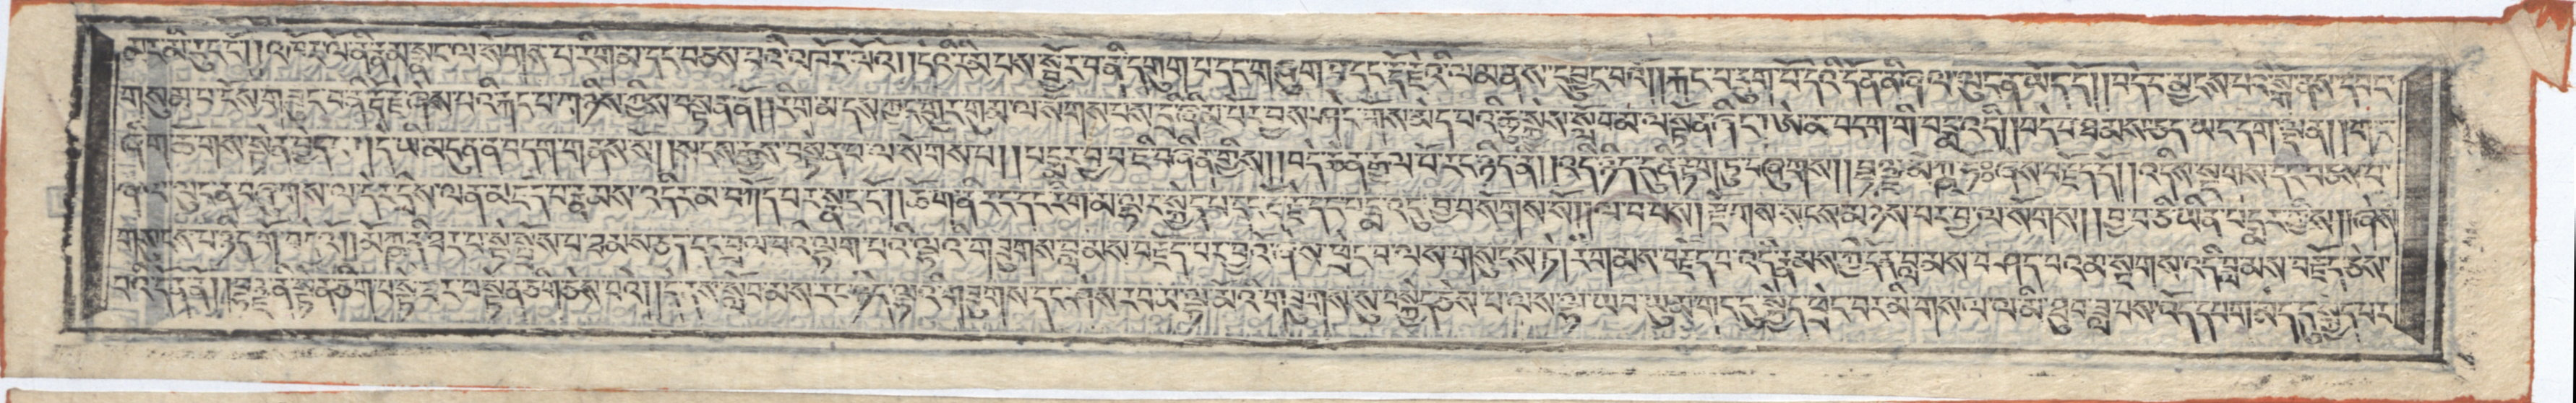མར་མི་རུང་ངོ། །འཁོར་ལོ་ནི་རྣམ་སྣང་ལ་སོགས་པ་རིག་མ་དང་བཅས་པའི་འཁོར་ལོའོ། །དེའི་རིམ་པས་སྦྱོར་བ་ནི་དགུག་པ་དང་གཞུག་པ་དང་རྡོ་རྗེའི་ལམ་ནས་དབྱུང་བའོ། །རྐང་པ་དྲུག་པོ་དེའི་དོན་ནི་ཞལ་ལུང་ན་ཡོད་དོ། །བདེ་བ་མྱངས་པའི་སྒོ་ནས་དབང་
གསུམ་པ་ངོས་གཟུང་བ་ནི་རྡོ་རྗེ་ཞེས་པའི་རྐང་པ་གཉིས་ཀྱིས་བསྟན་ནོ། །རིག་མ་དེས་ཀྱང་གུར་གུམ་ལ་སོགས་པས་དྲི་ཞིམ་པོར་བྱས་ཤིང་གོས་མེད་པའི་ཆུ་སྐྱེས་སློབ་མ་ལ་སྟོན་ཞིང་། ཨེ་མ་བདག་གི་པདམ་འདི། །བདེ་བ་ཐམས་ཅད་ཡང་དག་ལྡན། །གང་
ཞིག་ཆོ་གས་སྟེན་བྱེད་པ། །དེ་ཡི་མདུན་ན་བདག་གནས་སོ། །སངས་རྒྱས་བསྟེན་པ་ལ་སོགས་པ། །པདམར་བྱ་བ་ཇི་བཞིན་གྱིས། །བདེ་ཆེན་རྒྱལ་པོ་རང་ཉིད་ནི། །འདི་ཉིད་དུ་ནི་རྟག་ཏུ་བཞུགས། །བྷཉྫ་མོཀྵ་ཧོཿ ཞེས་བརྗོད་དོ། །འདིས་སྔགས་དང་བཅས་པ་
ཞལ་ལུང་ན་བཞུགས་ལ་དེར་དྲིས་ལན་མཛད་པ་རྣམས་འདིར་མ་བཀོད་པར་སྣང་ངོ། །ཆོ་ག་ནི་རང་དང་རིག་མ་ལྷར་སྐྱེད་པ་དང་རྡོ་རྗེ་དང་པདམ་འདུ་བྱ་བ་སོགས་སོ། །ལ་བ་པས། རྫོགས་སངས་མཉེས་པར་བྱ་ལ་སོགས། །བྱ་བ་ཅི་ཡིན་པདམར་གྱིས། །ཞེས་
གསུངས་པ་ཉིད་གོ་བདེའོ། །མོཀྵ་ནི་ཐར་པ་སྟེ་སྤྲོས་པ་ཐམས་ཅད་དང་བྲལ་བའི་ལྷག་པའི་ལྷའི་གཟུགས་བླ་མས་བརྗོད་པར་བྱའོ་ཞེས་ཕྲེང་བ་ལས་གསུངས་ཏེ། རིག་མས་བརྗོད་པ་འདི་རྣམས་ཀྱི་དོན་བླ་མས་བཤད་པའམ་སྔགས་འདི་བླ་མས་བརྗོད་ཅེས་
པའི་དོན་ནོ། །བྷཉྫ་ནི་སྟེན་ཅིག་པ་སྟེ་ཐར་པ་སྟེན་ཅིག་ཅེས་པའོ། །དེ་ནས་སློབ་མས་རང་ཉིད་ལྷའི་གཟུགས་དང་ཤེས་རབ་མ་ལྷ་མོའི་གཟུགས་སུ་བསྐྱེད་ཅེས་པ་ལས་ལྷ་ཡབ་ཡུམ་གང་དུ་སྐྱེད་ཕྲེང་བར་མི་གསལ་ལ་མི་ཐུབ་ཟླ་པས་འོད་དཔག་མེད་དུ་སྐྱེད་པར་